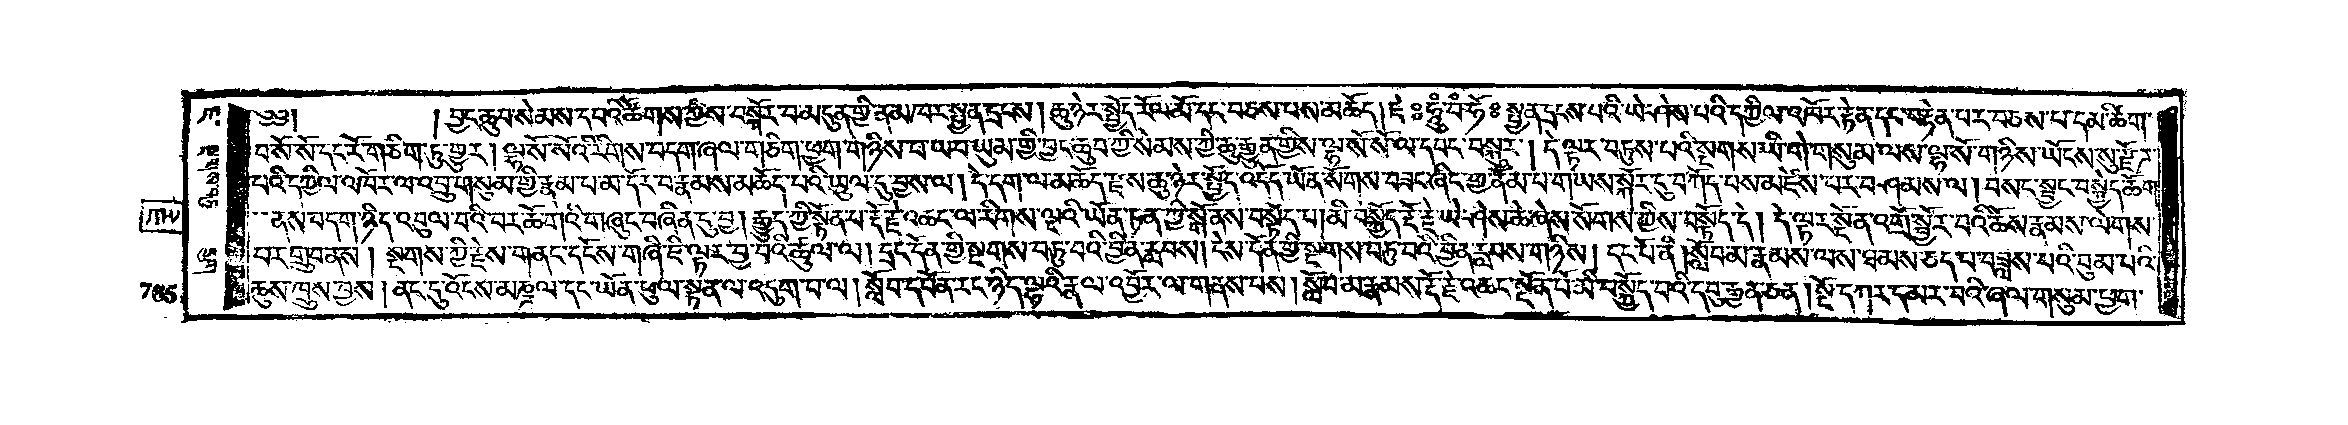༄༅། །བྱང་ཆུབ་སེམས་དཔའི་ཚོགས་ཀྱིས་བསྐོར་བ་མདུན་གྱི་ནམ་མཁར་སྤྱན་དྲངས། ཆུ་ཉེར་སྤྱོད་རོལ་མོ་དང་བཅས་པས་མཆོད། ཛཿ ཧཱུཾ་བཾ་ཧོཿ སྤྱན་དྲངས་པའི་ཡེ་ཤེས་པའི་དཀྱིལ་འཁོར་རྟེན་དང་བརྟེན་པར་བཅས་པ་དམ་ཚིག་
པ་སོ་སོ་དང་རོ་གཅིག་ཏུ་གྱུར། ལྷ་སོ་སོའི་རིགས་བདག་ཞལ་གཅིག་ཕྱག་གཉིས་པ་ཡབ་ཡུམ་གྱི་བྱང་ཆུབ་ཀྱི་སེམས་ཀྱི་ཆུ་རྒྱུན་གྱིས་ལྷ་སོ་སོ་ལ་དབང་བསྐུར། དེ་ལྟར་བཏུས་པའི་སྔགས་ཡི་གེ་གསུམ་ལས་ལྷ་སོ་གཉིས་ཡོངས་སུ་རྫོགས་
པའི་དཀྱིལ་འཁོར་ལ་འབྲུ་གསུམ་གྱི་རྣམ་པ་མ་དོར་བ་རྣམས་མཆོད་པའི་ཡུལ་དུ་བྱས་ལ། དེ་དག་ལ་མཆོད་རྫས་ཆུ་ཉེར་སྤྱོད་འདོད་ཡོན་སོགས་བཟང་ཞིང་གྱ་ནོམ་པ་གཡས་སྐོར་དུ་བཀོད་པས་མཛེས་པར་བཤམས་ལ། བསང་སྦྱང་བསྐྱེད་ཆོག་
ནས་བདག་ཉིད་འབུལ་བའི་བར་ཆོ་གའི་གཞུང་བཞིན་དུ་བྱ། རྒྱུད་ཀྱི་སྟོན་པ་རྡོ་རྗེ་འཆང་ལ་རིགས་ལྔའི་ཡོན་ཏན་གྱི་སྒོ་ནས་བསྟོད་པ། མི་བསྐྱོད་རྡོ་རྗེ་ཡེ་ཤེས་ཆེ་ཞེས་སོགས་ཀྱིས་བསྟོད་དེ། དེ་ལྟར་སྔོན་འགྲོ་སྦྱོར་བའི་ཆོས་རྣམས་ལེགས་
པར་གྲུབ་ནས། སྔགས་ཀྱི་རྗེས་གནང་དངོས་གཞི་ཇི་ལྟར་བྱ་བའི་ཚུལ་ལ། དྲང་དོན་གྱི་སྔགས་བཏུ་བའི་བྱིན་རླབས། ངེས་དོན་གྱི་སྔགས་བཏུ་བའི་བྱིན་རླབས་གཉིས། དང་པོ་ནི། སློབ་མ་རྣམས་ལས་ཐམས་ཅད་པ་བཟླས་པའི་བུམ་པའི་
ཆུས་ཁྲུས་བྱས། ནང་དུ་འོངས་མཎྜལ་དང་ཡོན་ཕུལ་སྟན་ལ་འདུག་པ་ལ། སློབ་དཔོན་རང་ཉིད་ལྷའི་རྣལ་འབྱོར་ལ་གནས་པས། སློབ་མ་རྣམས་རྡོ་རྗེ་འཆང་སྔོན་པོ་མི་བསྐྱོད་པའི་དབུ་རྒྱན་ཅན། སྔོ་དཀར་དམར་བའི་ཞལ་གསུམ་ཕྱག་